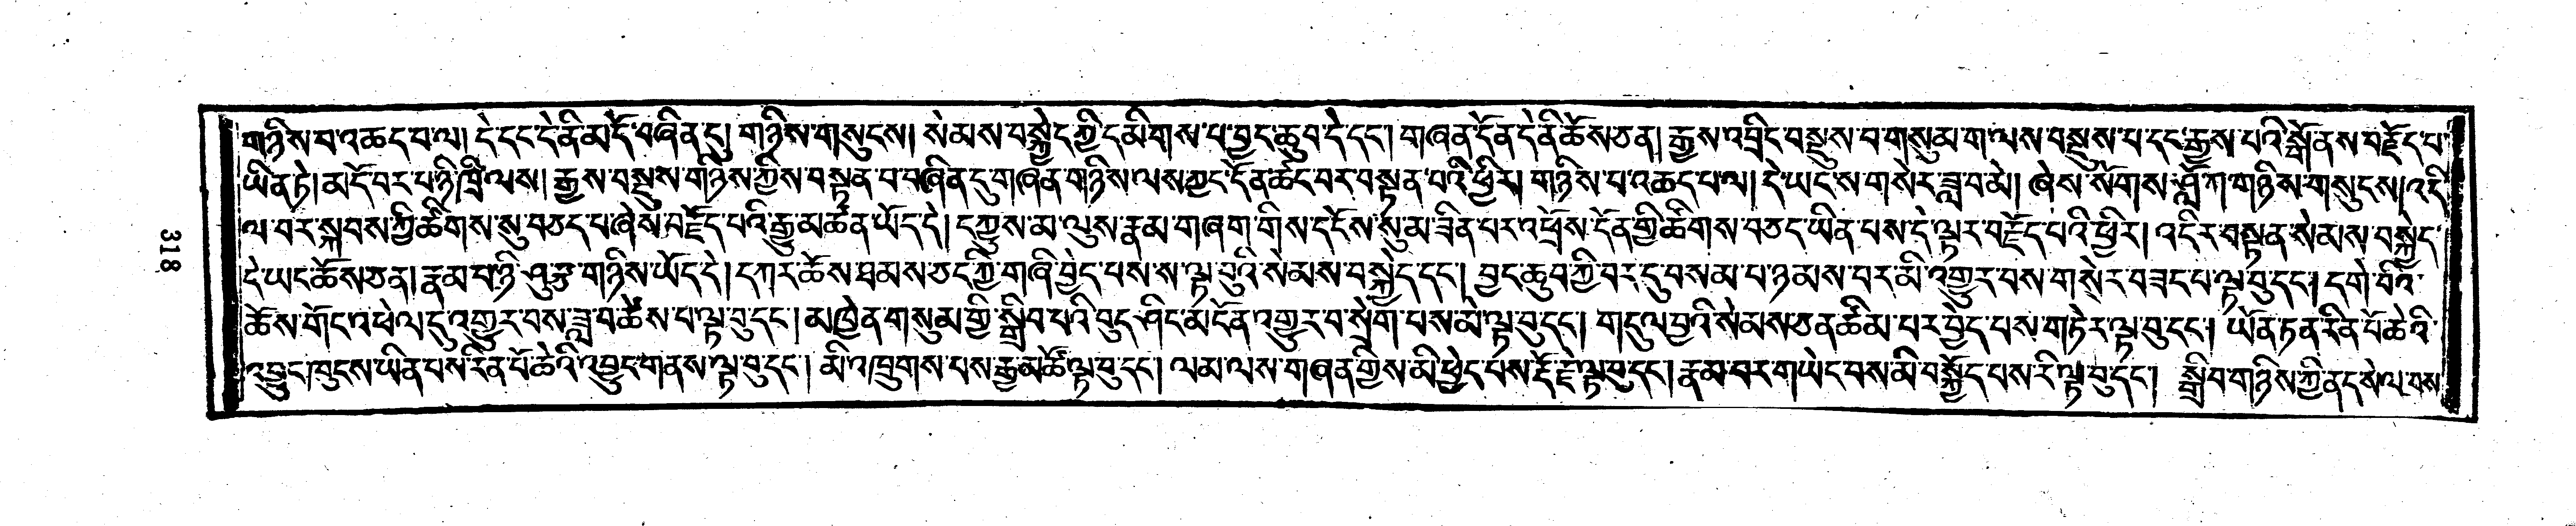གཉིས་པ་འཆད་པ་ལ། དེ་དང་དེ་ནི་མདོ་བཞིན་དུ། གཉིས་གསུངས། སེམས་བསྐྱེད་ཀྱི་དམིགས་པ་བྱང་ཆུབ་དེ་དང་། གཞན་དོན་དེ་ནི་ཆོས་ཅན། རྒྱས་འབྲིང་བསྡུས་པ་གསུམ་ག་ལས་བསྡུས་པ་དང་རྒྱས་པའི་སྒོ་ནས་བརྗོད་པ་
ཡིན་ཏེ། མདོ་བར་པ་ཉི་ཁྲི་ལས། རྒྱས་བསྡུས་གཉིས་ཀྱིས་བསྟན་པ་བཞིན་དུ་གཞན་གཉིས་ལས་ཀྱང་དོན་ཚང་བར་བསྟན་པའི་ཕྱིར། གཉིས་པ་འཆད་པ་ལ། དེ་ཡང་ས་གསེར་ཟླ་བ་མེ། ཞེས་སོགས་ཤློ་ཀ་གཉིས་གསུངས། འདི་
ལ་བར་སྐབས་ཀྱི་ཚིགས་སུ་བཅད་པ་ཞེས་བརྗོད་པའི་རྒྱུ་མཚན་ཡོད་དེ། དཀྱུས་མ་ལུས་རྣམ་གཞག་གིས་དངོས་སུ་མ་ཟིན་པར་འཕྲོས་དོན་གྱི་ཚིགས་བཅད་ཡིན་པས་དེ་ལྟར་བརྗོད་པའི་ཕྱིར། འདིར་བསྟན་སེམས་བསྐྱེད་
དེ་ཡང་ཆོས་ཅན། རྣམ་པ་ཉི་ཤུ་རྩ་གཉིས་ཡོད་དེ། དཀར་ཆོས་ཐམས་ཅད་ཀྱི་གཞི་བྱེད་པས་ས་ལྟ་བུའི་སེམས་བསྐྱེད་དང་། བྱང་ཆུབ་ཀྱི་བར་དུ་བསམ་པ་ཉམས་པར་མི་འགྱུར་བས་གསེར་བཟང་བ་ལྟ་བུ་དང་། དགེ་བའི་
ཆོས་གོང་འཕེལ་དུ་འགྱུར་བས་ཟླ་བ་ཚེས་པ་ལྟ་བུ་དང་། མཁྱེན་གསུམ་གྱི་སྒྲིབ་པའི་བུད་ཤིང་མངོན་འགྱུར་བ་སྲེག་པས་མེ་ལྟ་བུ་དང་། གདུལ་བྱའི་སེམས་ཅན་ཚིམ་པར་བྱེད་པས་གཏེར་ལྟ་བུ་དང་། ཡོན་ཏན་རིན་པོ་ཆེའི་
འབྱུང་ཁུངས་ཡིན་པས་རིན་པོ་ཆེའི་འབྱུང་གནས་ལྟ་བུ་དང་། མི་འཁྲུགས་པས་རྒྱ་མཚོ་ལྟ་བུ་དང་། ལམ་ལས་གཞན་གྱིས་མི་ཕྱེད་པས་རྡོ་རྗེ་ལྟ་བུ་དང་། རྣམ་པར་གཡེང་བས་མི་བསྐྱོད་པས་རི་ལྟ་བུ་དང་། སྒྲིབ་གཉིས་ཀྱི་ནད་སེལ་བས་